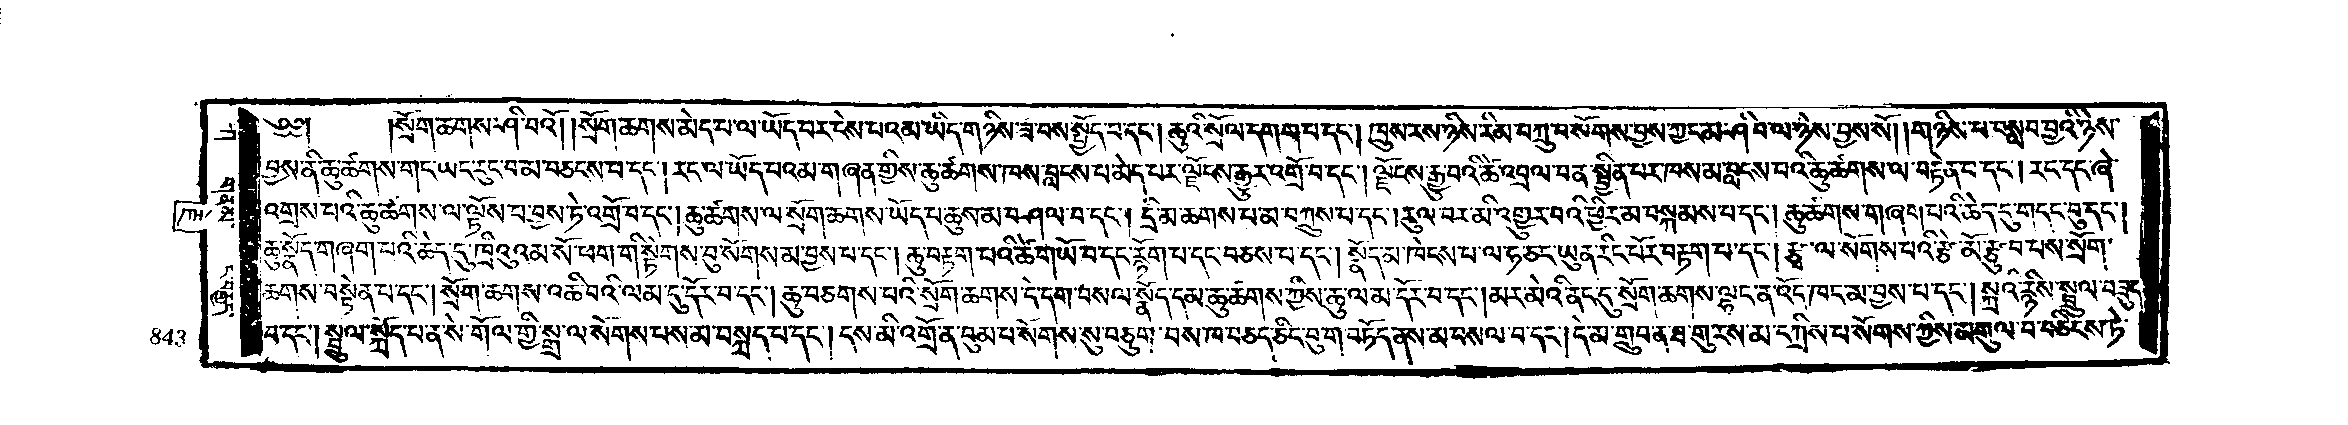༄༅། །སྲོག་ཆགས་ཤི་བའོ། །སྲོག་ཆགས་མེད་པ་ལ་ཡོད་པར་ངེས་པའམ་ཡིད་གཉིས་ཟ་བས་སྤྱོད་པ་དང་། ཆུའི་སྲོལ་དགག་པ་དང་། ཁྲུས་རས་ཉིས་རིམ་བཀྲུ་བ་སོགས་བྱས་ཀྱང་མ་ཤི་བ་ལ་ཉེས་བྱས་སོ། །གཉིས་པ་བསླབ་བྱའི་ཉེས་
བྱས་ནི་ཆུ་ཚགས་གང་ཡང་རུང་བ་མ་བཅངས་པ་དང་། རང་ལ་ཡོད་པའམ་གཞན་གྱིས་ཆུ་ཚགས་ཁས་བླངས་པ་མེད་པར་ལྗོངས་རྒྱུར་འགྲོ་བ་དང་། ལྗོངས་རྒྱུ་བའི་ཚེ་འབྲལ་བ་ན་སྦྱིན་པར་ཁས་མ་བླངས་པའི་ཆུ་ཚགས་ལ་བརྟེན་པ་དང་། རང་དང་ཞེ་
འགྲས་པའི་ཆུ་ཚགས་ལ་ལྟོས་པ་བྱས་ཏེ་འགྲོ་བ་དང་། ཆུ་ཚགས་ལ་སྲོག་ཆགས་ཡོད་པ་ཆུས་མ་བཤལ་བ་དང་། དྲི་མ་ཆགས་པ་མ་བཀྲུས་པ་དང་། རུལ་བར་མི་འགྱུར་བའི་ཕྱིར་མ་བསྐམས་པ་དང་། ཆུ་ཚགས་གཞག་པའི་ཆེད་དུ་གདང་བུ་དང་།
ཆུ་སྣོད་གཞག་པའི་ཆེད་དུ་ཁྲིའུའམ་སོ་ཕག་གི་སྟེགས་བུ་སོགས་མ་བྱས་པ་དང་། ཆུ་བརྟག་པའི་ཚེ་གཡོ་བ་དང་རྙོག་པ་དང་བཅས་པ་དང་། སྣོད་མ་ཁེངས་པ་ལ་ཧ་ཅང་ཡུན་རིང་པོར་བརྟག་པ་དང་། རྩྭ་ལ་སོགས་པའི་རྩེ་མོ་རྩུབ་པས་སྲོག་
ཆགས་བསྟེན་པ་དང་། སྲོག་ཆགས་འཆི་བའི་ལམ་དུ་དོར་བ་དང་། ཆུ་བཅགས་པའི་སྲོག་ཆགས་དེ་དག་བསལ་སྣོད་དམ་ཆུ་ཚགས་ཀྱིས་ཆུ་ལ་མ་དོར་བ་དང་། མར་མེའི་ནང་དུ་སྲོག་ཆགས་ལྷང་ན་འོད་ཁང་མ་བྱས་པ་དང་། སྐྲའི་རྙིས་སྦྲུལ་བཟུད་
པ་དང་། སྦྲུལ་སྐྲོད་པ་ན་སེ་གོལ་གྱི་སྒྲ་ལ་སོགས་པས་མ་བསྐྲད་པ་དང་། དས་མི་འགྲོ་ན་བུམ་པ་སོགས་སུ་བཅུག་པས་ཁ་བཅད་ཅིང་བུ་ག་བཏོད་ནས་མ་བསལ་བ་དང་། དེ་མ་གྲུབ་ན་ཐ་གུ་རས་མ་དཀྲིས་པ་སོགས་ཀྱིས་མགུལ་བ་བཅིངས་ཏེ་